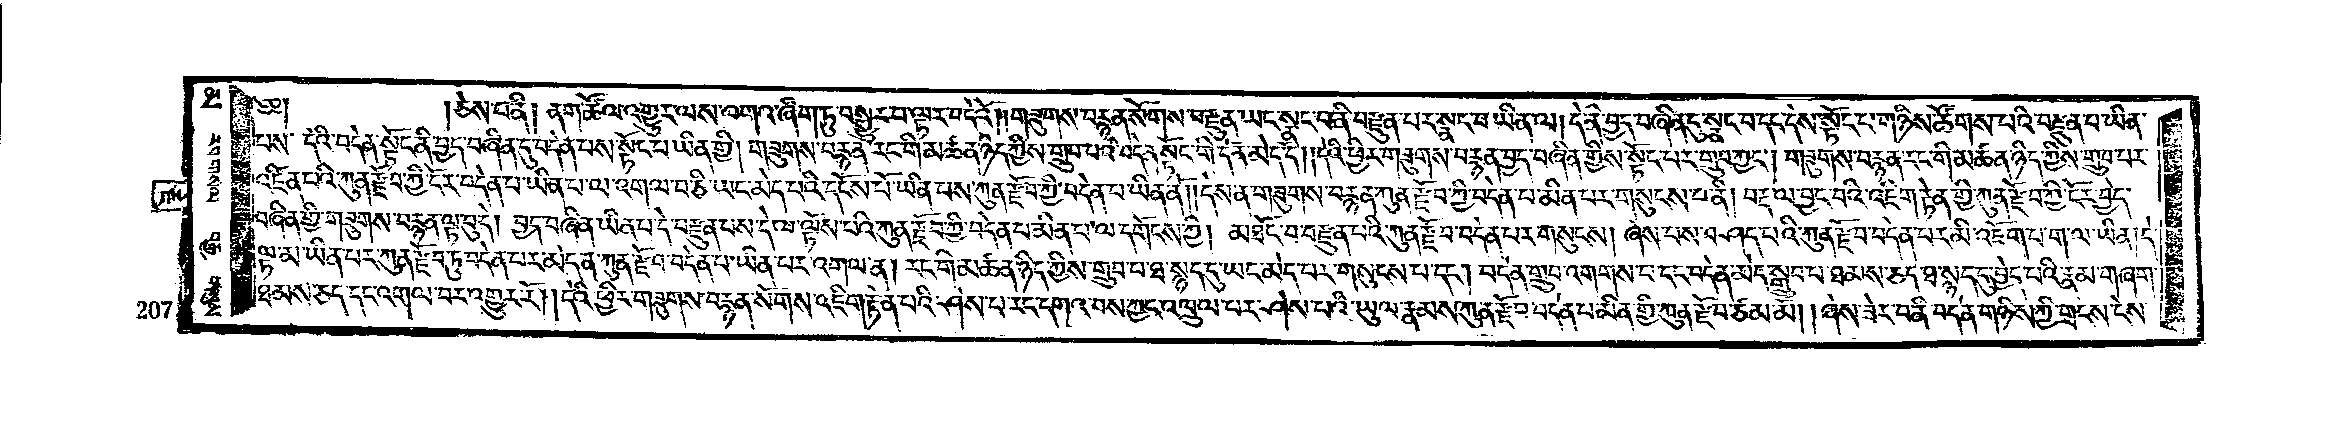༄༅། །ཅེས་པ་ནི། ནག་ཚོའི་འགྱུར་ལས་འགའ་ཞིག་ཏུ་བསྒྱུར་བ་ལྟར་བདེའོ། །གཟུགས་བརྙན་སོགས་བརྫུན་ཡང་སྣང་བ་ནི་བརྫུན་པར་སྣང་བ་ཡིན་ལ། དེ་ནི་བྱད་བཞིན་དུ་སྣང་བ་དང་དེས་སྟོང་པ་གཉིས་ཚོགས་པའི་བརྫུན་པ་ཡིན་
པས་དེའི་བདེན་སྟོང་ནི་བྱད་བཞིན་དུ་བདེན་པས་སྟོང་པ་ཡིན་གྱི། གཟུགས་བརྙན་རང་གི་མཚན་ཉིད་ཀྱིས་གྲུབ་པའི་བདེན་སྟོང་གི་དོན་མེད་དོ། །དེའི་ཕྱིར་གཟུགས་བརྙན་བྱད་བཞིན་ཀྱིས་སྟོང་པར་གྲུབ་ཀྱང་། གཟུགས་བརྙན་རང་གི་མཚན་ཉིད་ཀྱིས་གྲུབ་པར་
འཛིན་པའི་ཀུན་རྫོབ་ཀྱི་ངོར་བདེན་པ་ཡིན་པ་ལ་འགལ་བ་ཅི་ཡང་མེད་པའི་དངོས་པོ་ཡིན་པས་ཀུན་རྫོབ་ཀྱི་བདེན་པ་ཡིན་ནོ། །དེས་ན་གཟུགས་བརྙན་ཀུན་རྫོབ་ཀྱི་བདེན་པ་མིན་པར་གསུངས་པ་ནི། བརྡ་ལ་བྱང་བའི་འཇིག་རྟེན་གྱི་ཀུན་རྫོབ་ཀྱི་ངོར་བྱད་
བཞིན་གྱི་གཟུགས་བརྙན་ལྟ་བུ་དེ། བྱད་བཞིན་ཡིན་པ་དེ་བརྫུན་པས་དེ་ལ་ལྟོས་པའི་ཀུན་རྫོབ་ཀྱི་བདེན་པ་མིན་པ་ལ་དགོངས་ཀྱི། མཐོང་བ་བརྫུན་པའི་ཀུན་རྫོབ་བདེན་པར་གསུངས། ཞེས་པས་བཤད་པའི་ཀུན་རྫོབ་བདེན་པར་མི་འཇོག་པ་ག་ལ་ཡིན། དེ་
ལྟ་མ་ཡིན་པར་ཀུན་རྫོབ་ཏུ་བདེན་པར་མེད་ན་ཀུན་རྫོབ་བདེན་པ་ཡིན་པར་འགལ་ན། རང་གི་མཚན་ཉིད་ཀྱིས་གྲུབ་པ་ཐ་སྙད་དུ་ཡང་མེད་པར་གསུངས་པ་དང་། བདེན་གྲུབ་འགགས་པ་དང་བདེན་མེད་སྒྲུབ་པ་ཐམས་ཅད་ཐ་སྙད་དུ་བྱེད་པའི་རྣམ་གཞག་
ཐམས་ཅད་དང་འགལ་བར་འགྱུར་རོ། །དེའི་ཕྱིར་གཟུགས་བརྙན་སོགས་འཇིག་རྟེན་པའི་ཤེས་པ་རང་དགའ་བས་ཀྱང་འཕྲུལ་པར་ཤེས་པའི་ཡུལ་རྣམས་ཀུན་རྫོབ་བདེན་པ་མིན་གྱི་ཀུན་རྫོབ་ཙམ་མོ། །ཞེས་ཟེར་བ་ནི་བདེན་གཉིས་ཀྱི་གྲངས་ངེས་